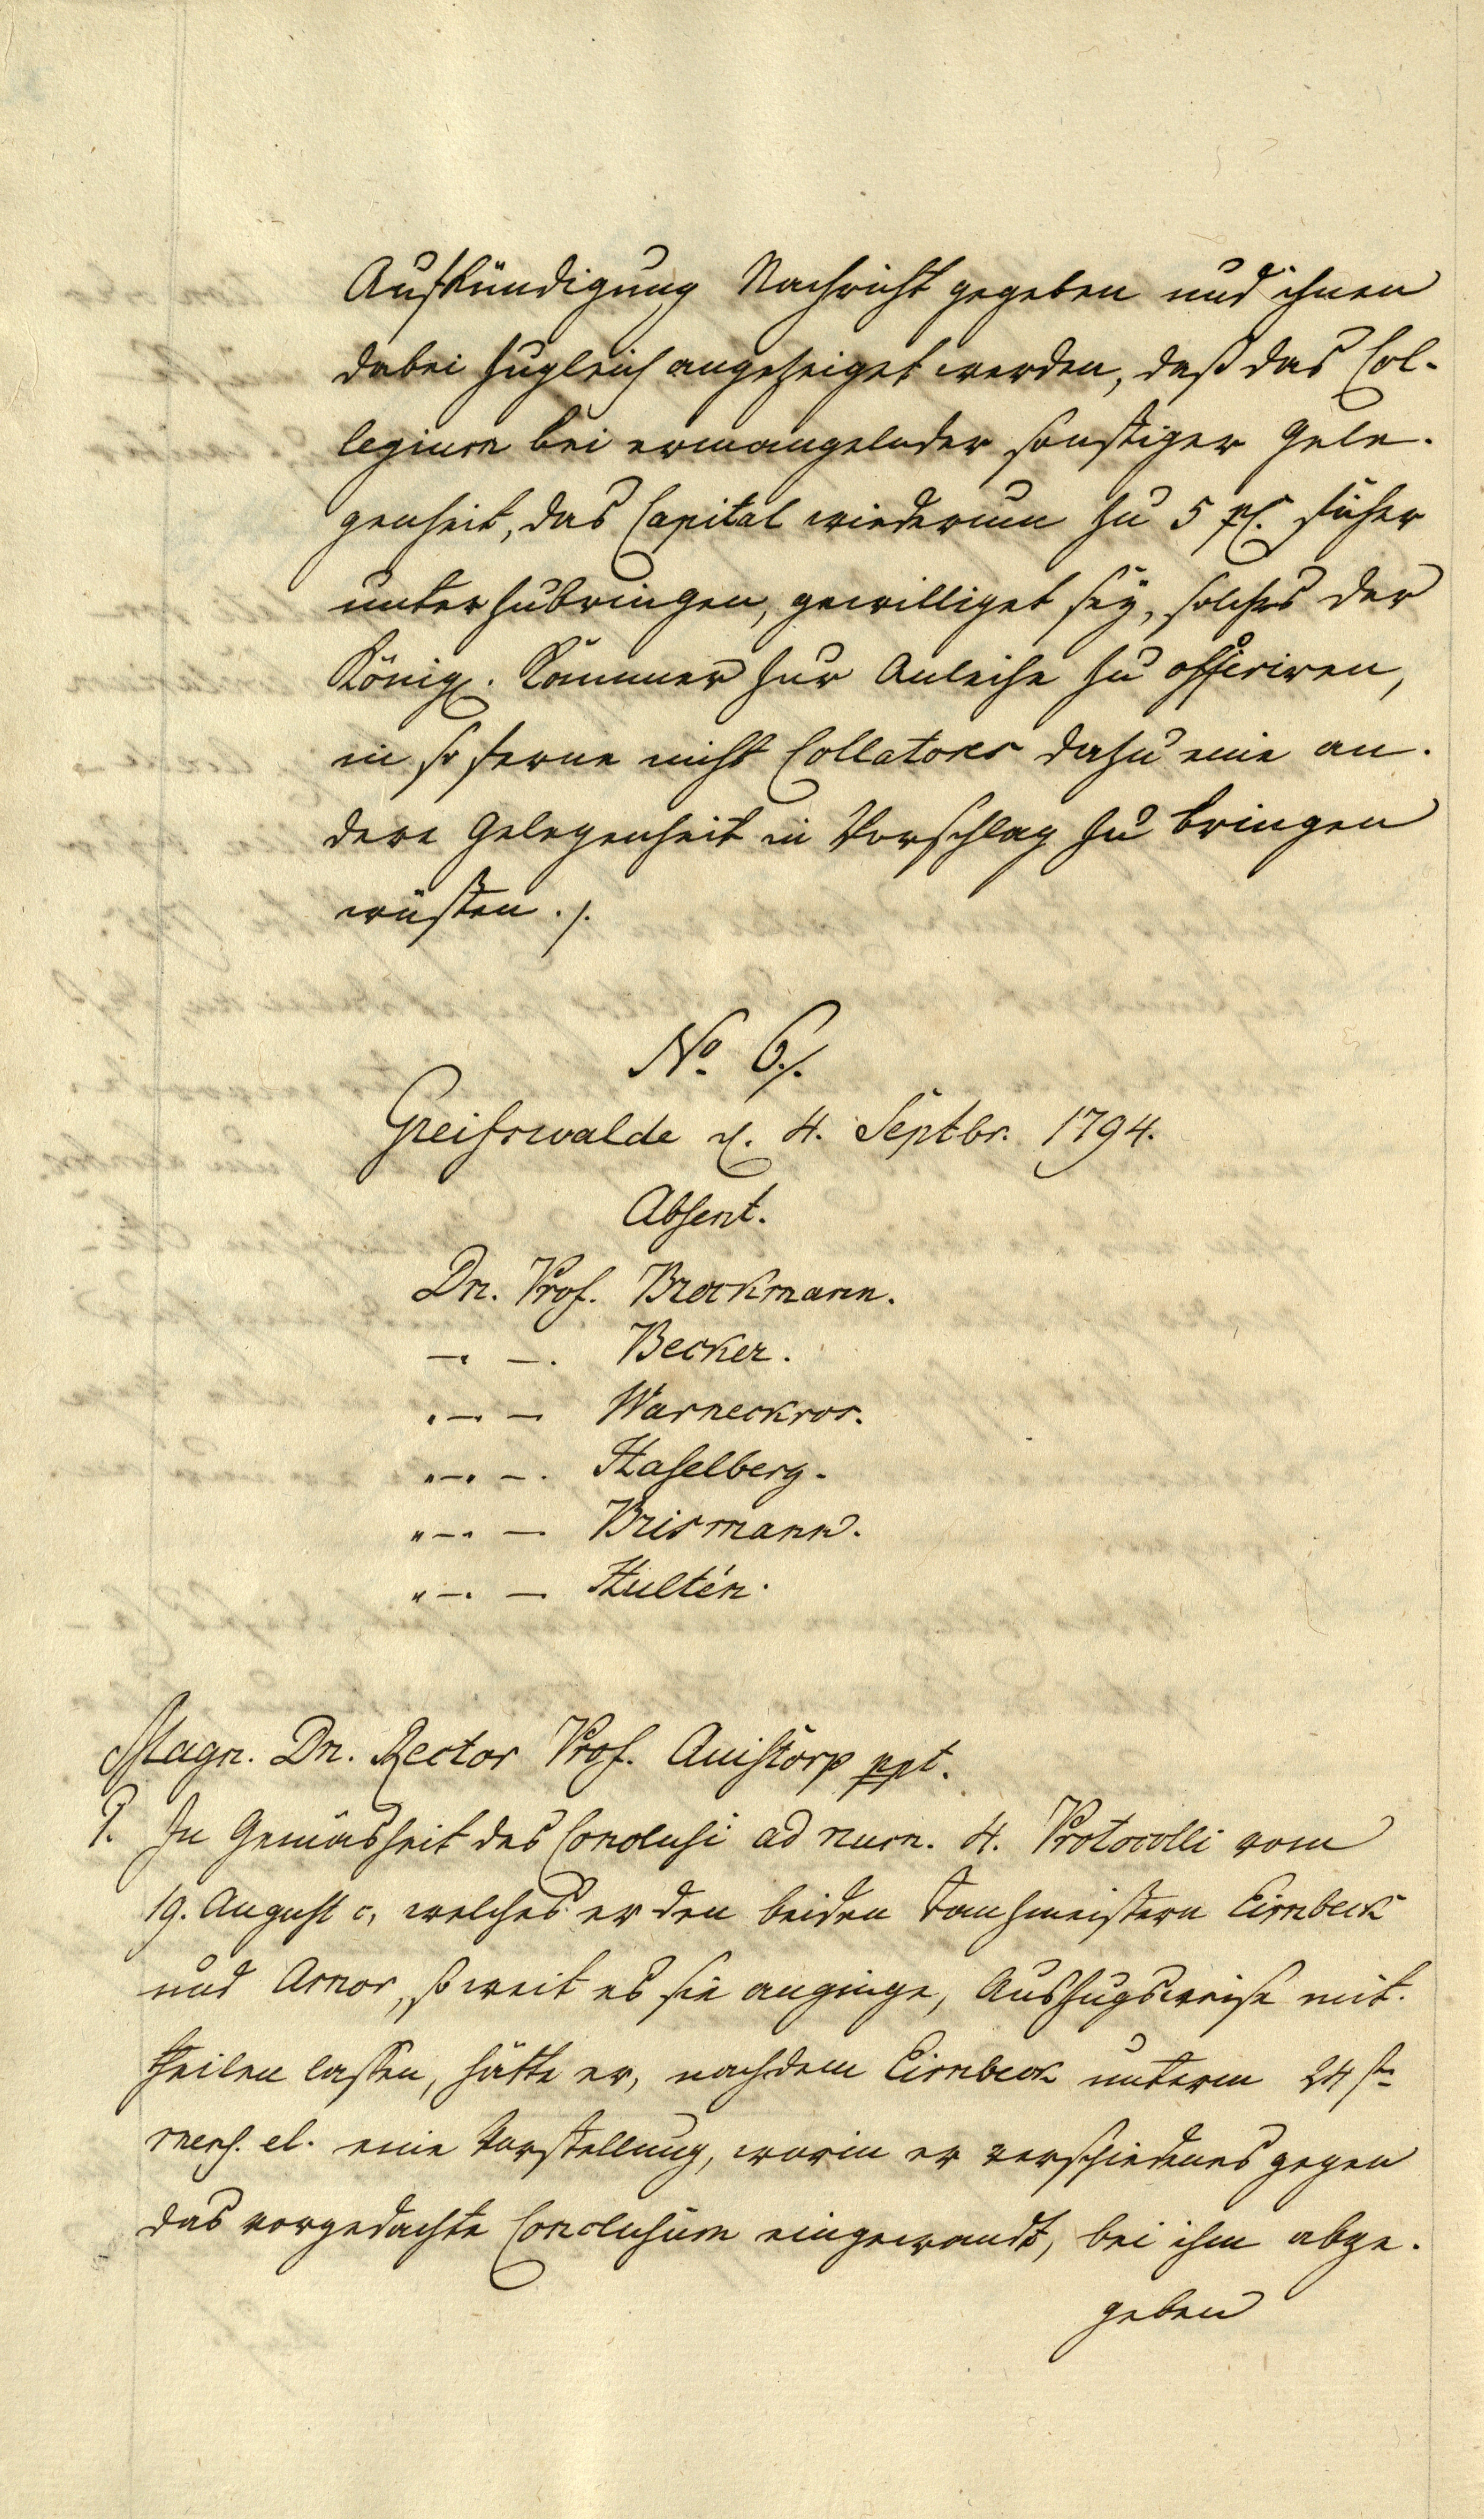Aufkündigung Nachricht gegeben und ihnen
dabei zugleich angezeiget werden, daß das Col-
legium bei ermangelnder sonstiger Gele-
genheit, das Capital wiederum zu 5 pc sicher
unterzubringen gewilliget sey, solches der
Königl. Kammer zur Anleihe zu offeriren,
in so ferne nicht Collatores dazu eine an-
dere Gelegenheit in Vorschlag zu bringen
wüßten.
No. 6./.
Greifswalde d. 4. Septbr. 1794
Absent.
Dn. Prof. Brockmann.
- " - " Becker.
" - " - " Warneckros.
" - "- " Haselberg.
" - "- " Brismann.
" - " - Hultén.
Magn. Dn. Rector Prof. Quistorp ppt.
1.) In Gemäsheit des Conclusi ad num. 4 Protocolli vom
19. August c, welches er den beiden Tanzmeistern Eimbeck
und Amor, so weit es sie anginge, auszugsweise mit-
theilen lassen, hätte er, nachdem Eimbeck unterm 24sten
mens. el. eine Vorstellung, worin er verschiedenes gegen
das vorgedachte Conclusum eingewandt, bei ihm abge-
geben